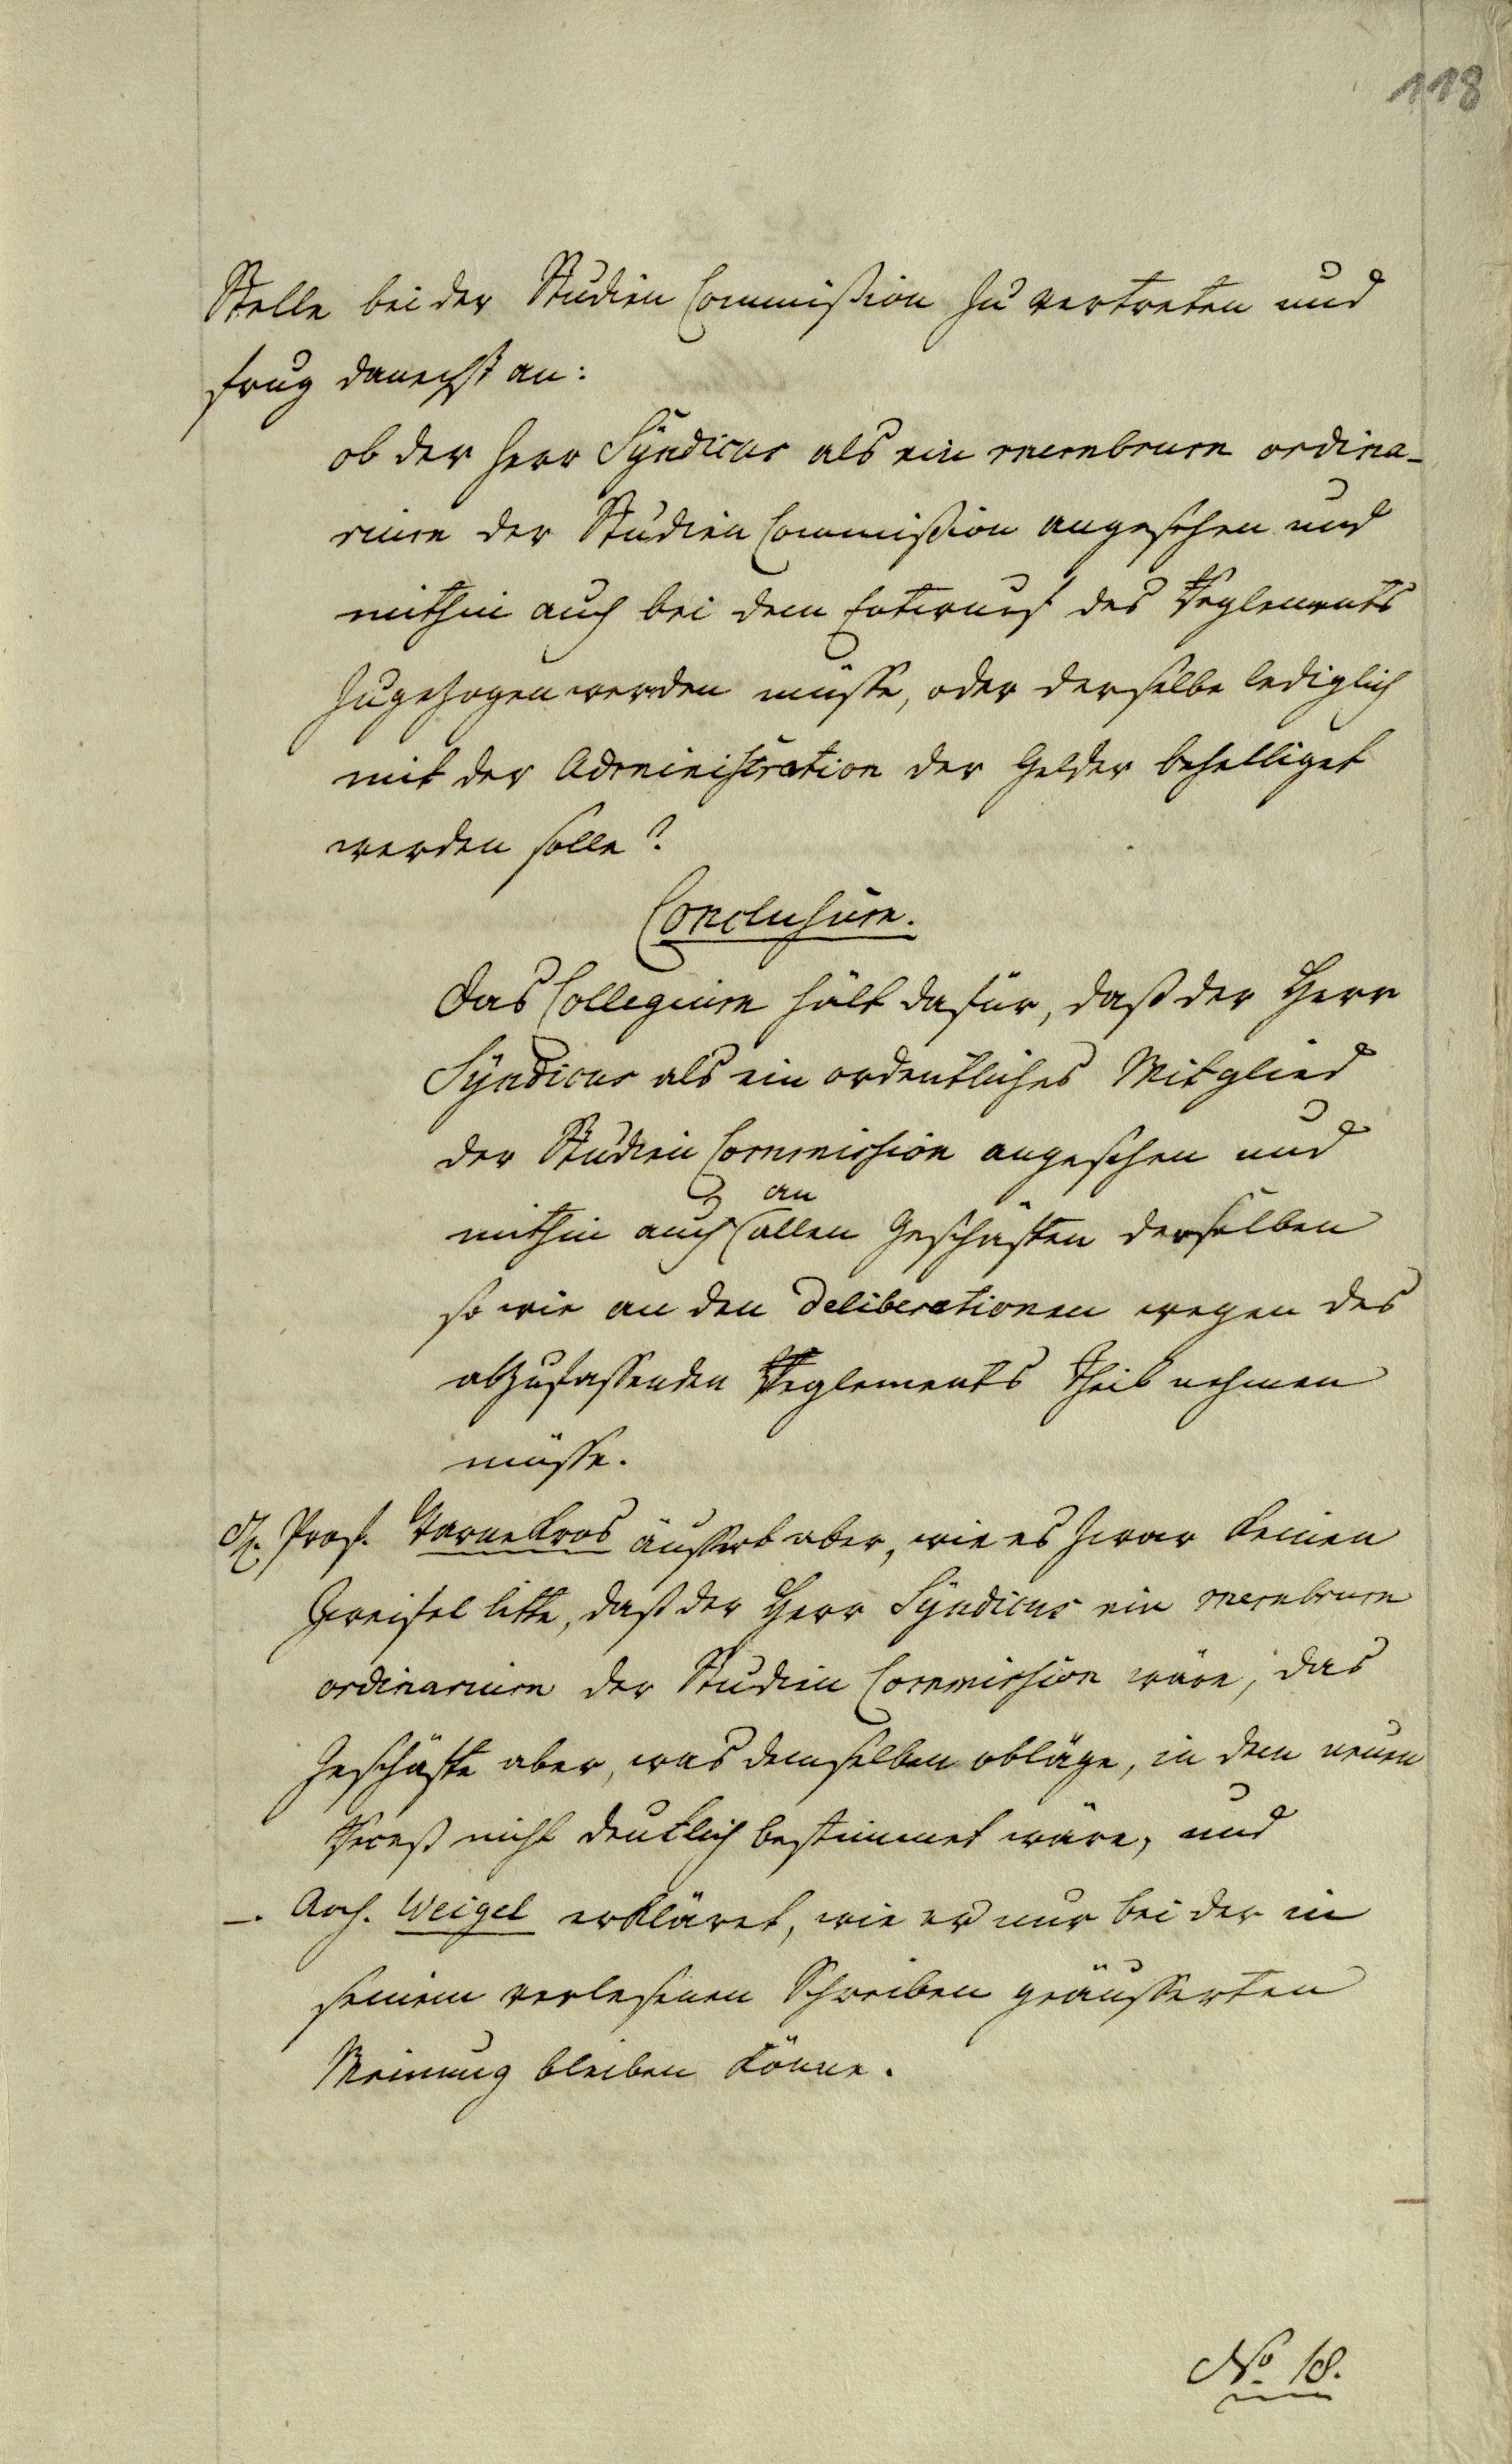Stelle bei der Studien Commission zu vertreten und
frug danechst an:
ob der Herr Sÿndicus als ein membrum ordina¬
rium der Studien Commission angesehen und
mithin auch bei dem Entwurf des Reglements
zugezogen werden müsse, oder derselbe lediglich
mit der Administration der Gelder behelliget
werden solle?
Conclusum.
Das Collegium hält dafür, daß der Herr
Sÿndicus als ein ordentliches Mitglied
der Studien Commission angesehen und
mithin auch an allen Geschäften derselben
so wie an den Deliberationen wegen des
abzufassenden Reglements Theil nehmen
müsse.
dh. Prof. Warnekros äussert aber, wie es zwar keinen
Zweifel litte, daß der Herr Sÿndicus ein membrum
ordinarium der Studien Commission wäre, das
Geschäfte aber, was demselben obläge, in dem neuen
Receß nicht deutlich bestimmet wäre, und
Arch. Weigel erkläret, wie er nur bei der in
seinem verlesenen Schreiben geäusserten
Meinung bleiben könne.
No 18.